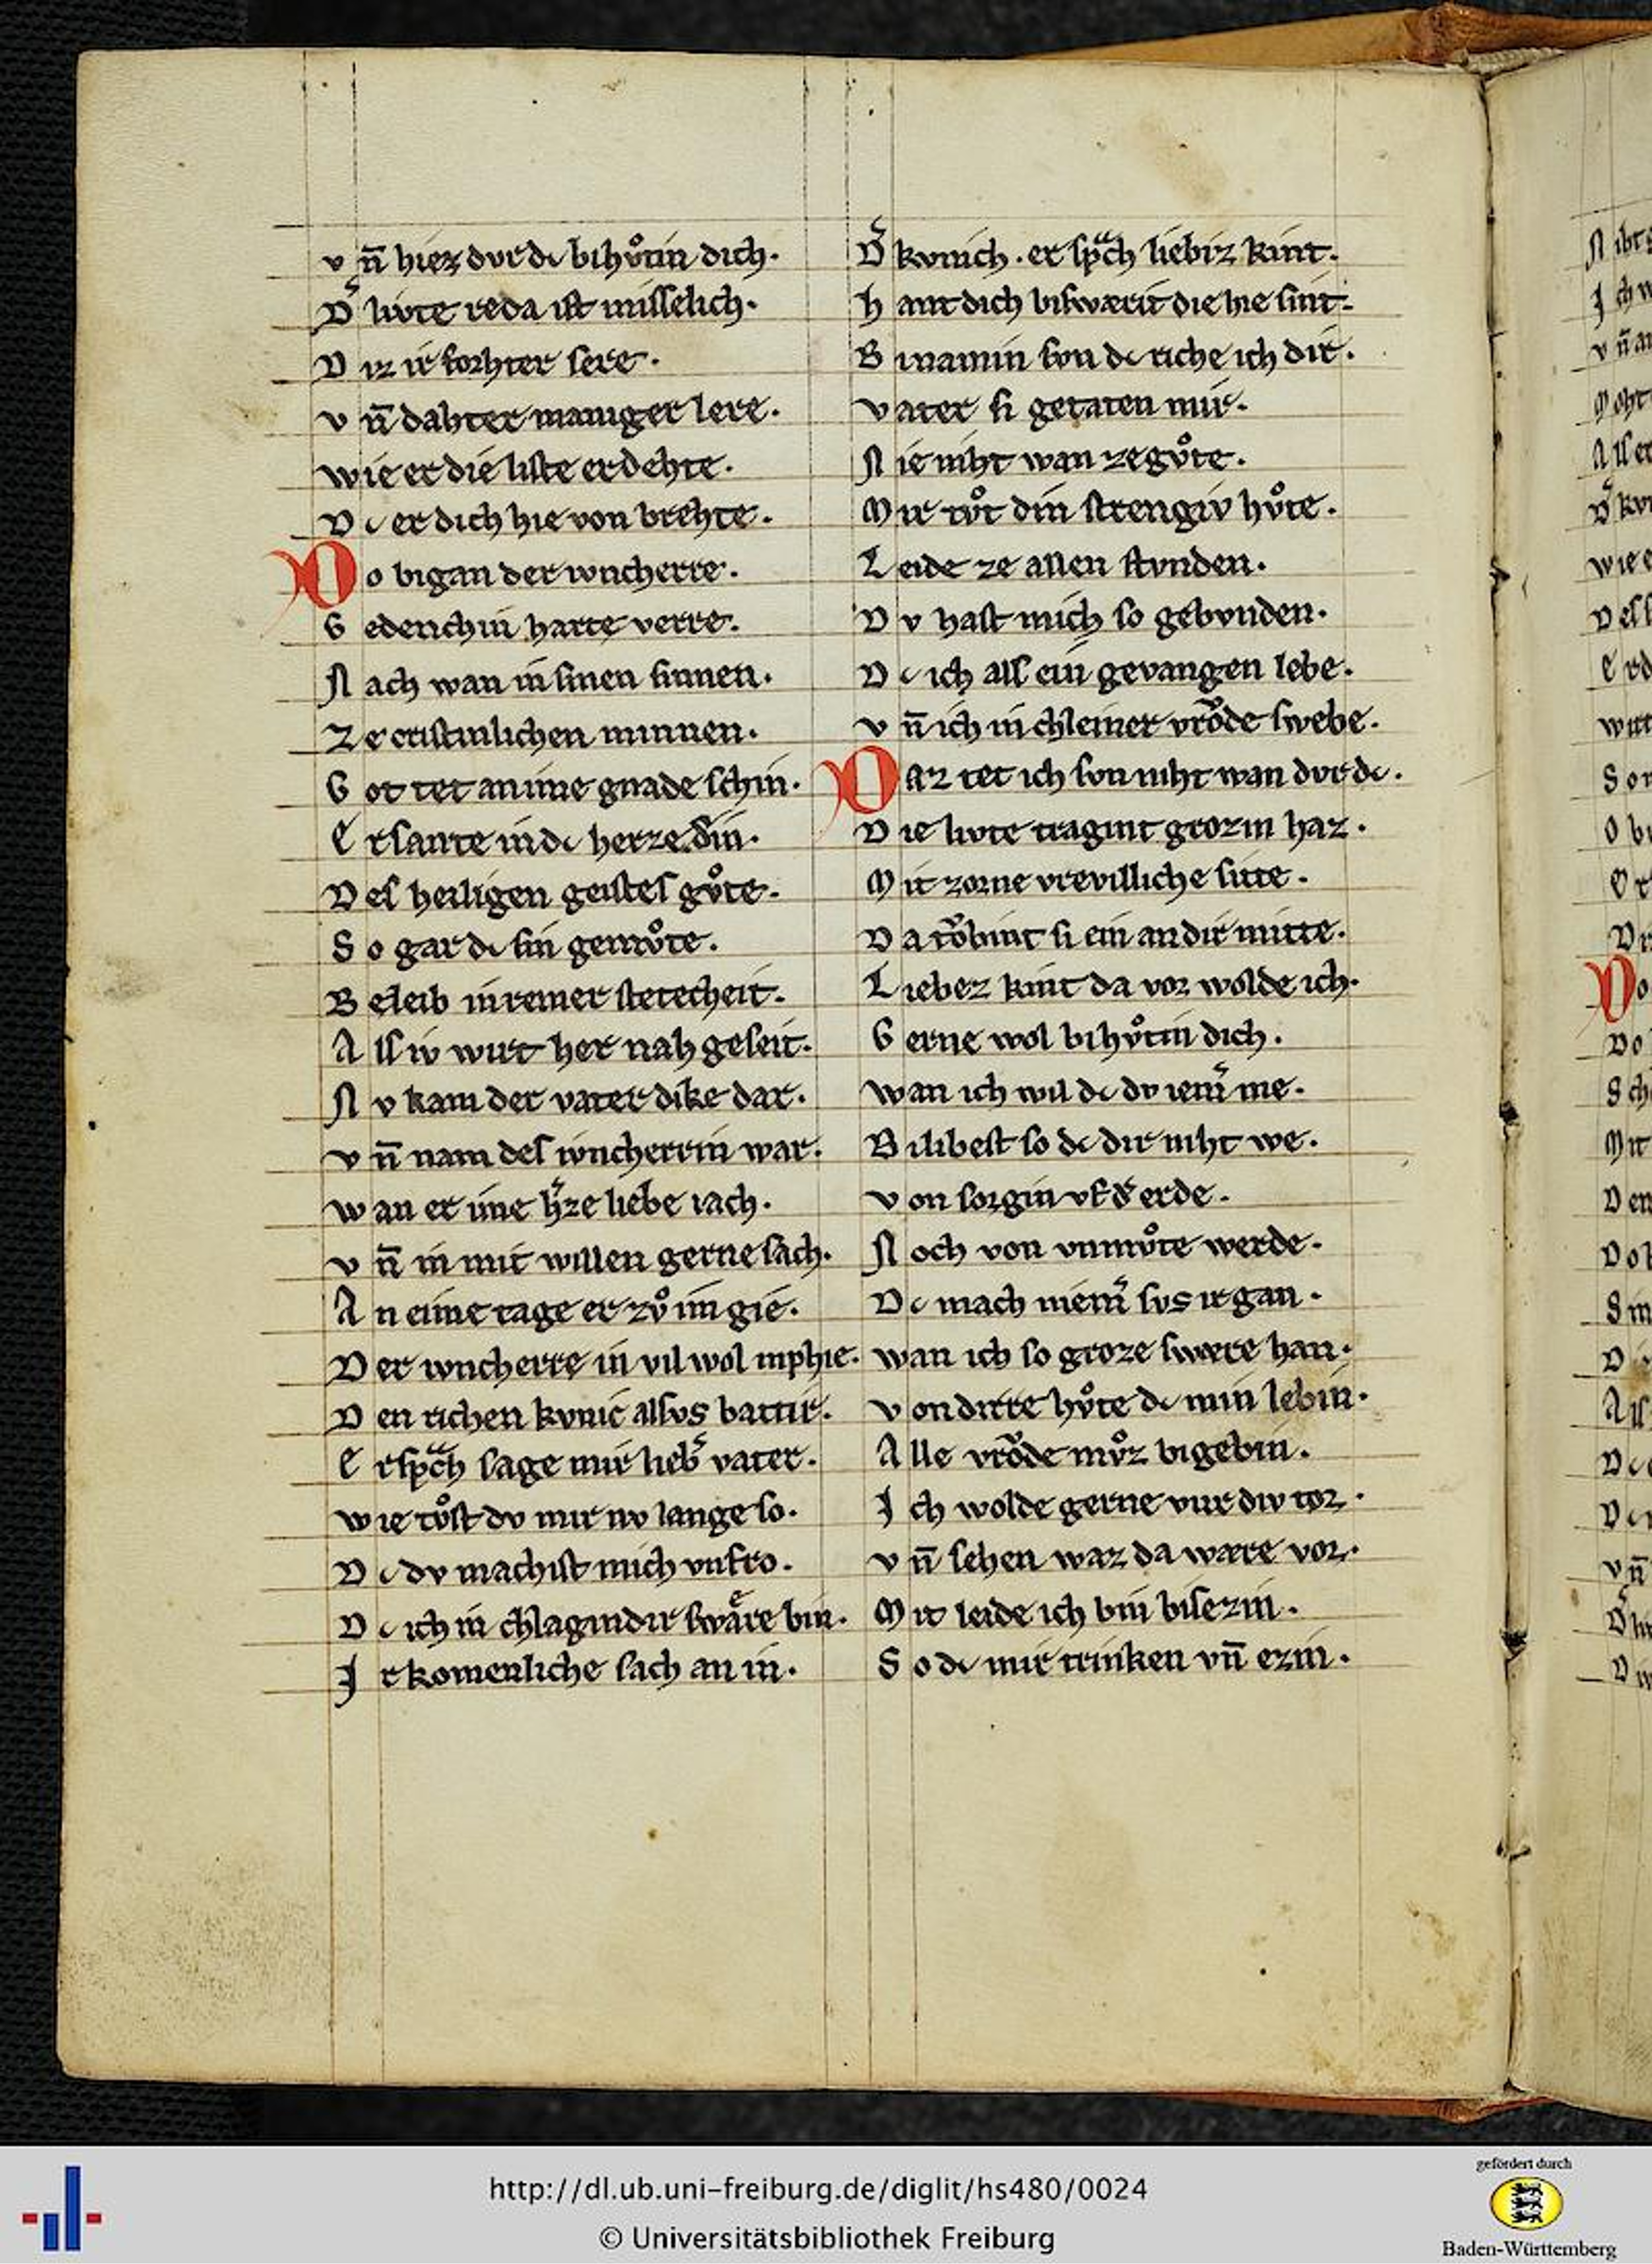Vn(d) hiez dvr d(az) bihv°otin dich.
D(er) livte reda iſt miſſelich.
Diz ir forhter ſere.
Vn(d) dahter maniger lere.
Wie er die liſte erdehte.
D(az) er dich hie von brehte.
*Do bigan der ivncherre.
Gedenchin harte verre.
Nach wan in ſinen ſinnen.
Ze criſtinlichen minnen.
Got tet an ime gnade ſchin.
Erſante in d(az) herze Sin.
Deſ heiligen geiſteſ gv°ote.
So gar d(az) ſin gemv°ote.
Beleib in reiner ſtetecheit.
Alſ iv wirt her nah geſeit.
Nv kam der vater dike dar.
Vn(d) nam deſ ivncherrin war.
Wan er ime h(er)ze liebe iach.
Vn(d) in mit willen gerne ſach.
An eime tage er zv°o im gie.
Der ivncherre in vil wol imphie.
Den richen kvnic alſus battir.
Erſp(ra)ch ſage mir lieb(er) vater.
Wie tv°oſt dv mir nv lange ſo.
D(az) dv machiſt mich vnfro.
D(az) ich in chlagindir ſwa°ere bin.
Irkomenliche ſach an in.
D(er) kvnich. er ſp(ra)ch liebiz kint.
Hant dich biſw[ae]rit die hie ſint.
Binamin ſvn d(az) riche ich dir.
Vater ſi getaten mir.
Nie niht wan ze gv°ote.
Mir tv°ot din ſtrengiv hv°ote.
Leide ze allen ſtvnden.
Dv haſt mich ſo gebvnden.
D(az) ich alſ ein gevangen lebe.
Vn(d) ich in chleiner vro°vde ſwebe.
*Daz tet ich ſvn niht wan dvr d(az).
Die livte tragint grozin haz.
Mit zorne vrevilliche ſitte.
Da to°vbint ſi ein an dir mitte.
Liebez kint da vor wolde ich.
Gerne wol bihv°otin dich.
Wan ich wil d(az) dv iem(er) me.
Bilibeſt ſo d(az) dir niht we.
Von ſorgin vf d(er) erde.
Noch von vnmv°ote werde.
D(az) mach niem(er) ſvs irgan.
Wan ich ſo groze ſw[ae]re han.
Von dirre hv°ote d(az) min lebin.
Alle vro°vde mv°oz bigebin.
Ich wolde gerne vur div tor.
Vn(d) ſehen waz da w[ae]re vor.
Mit leide ich bin biſezin.
So d(az) mir trinken vn(d) ezin.